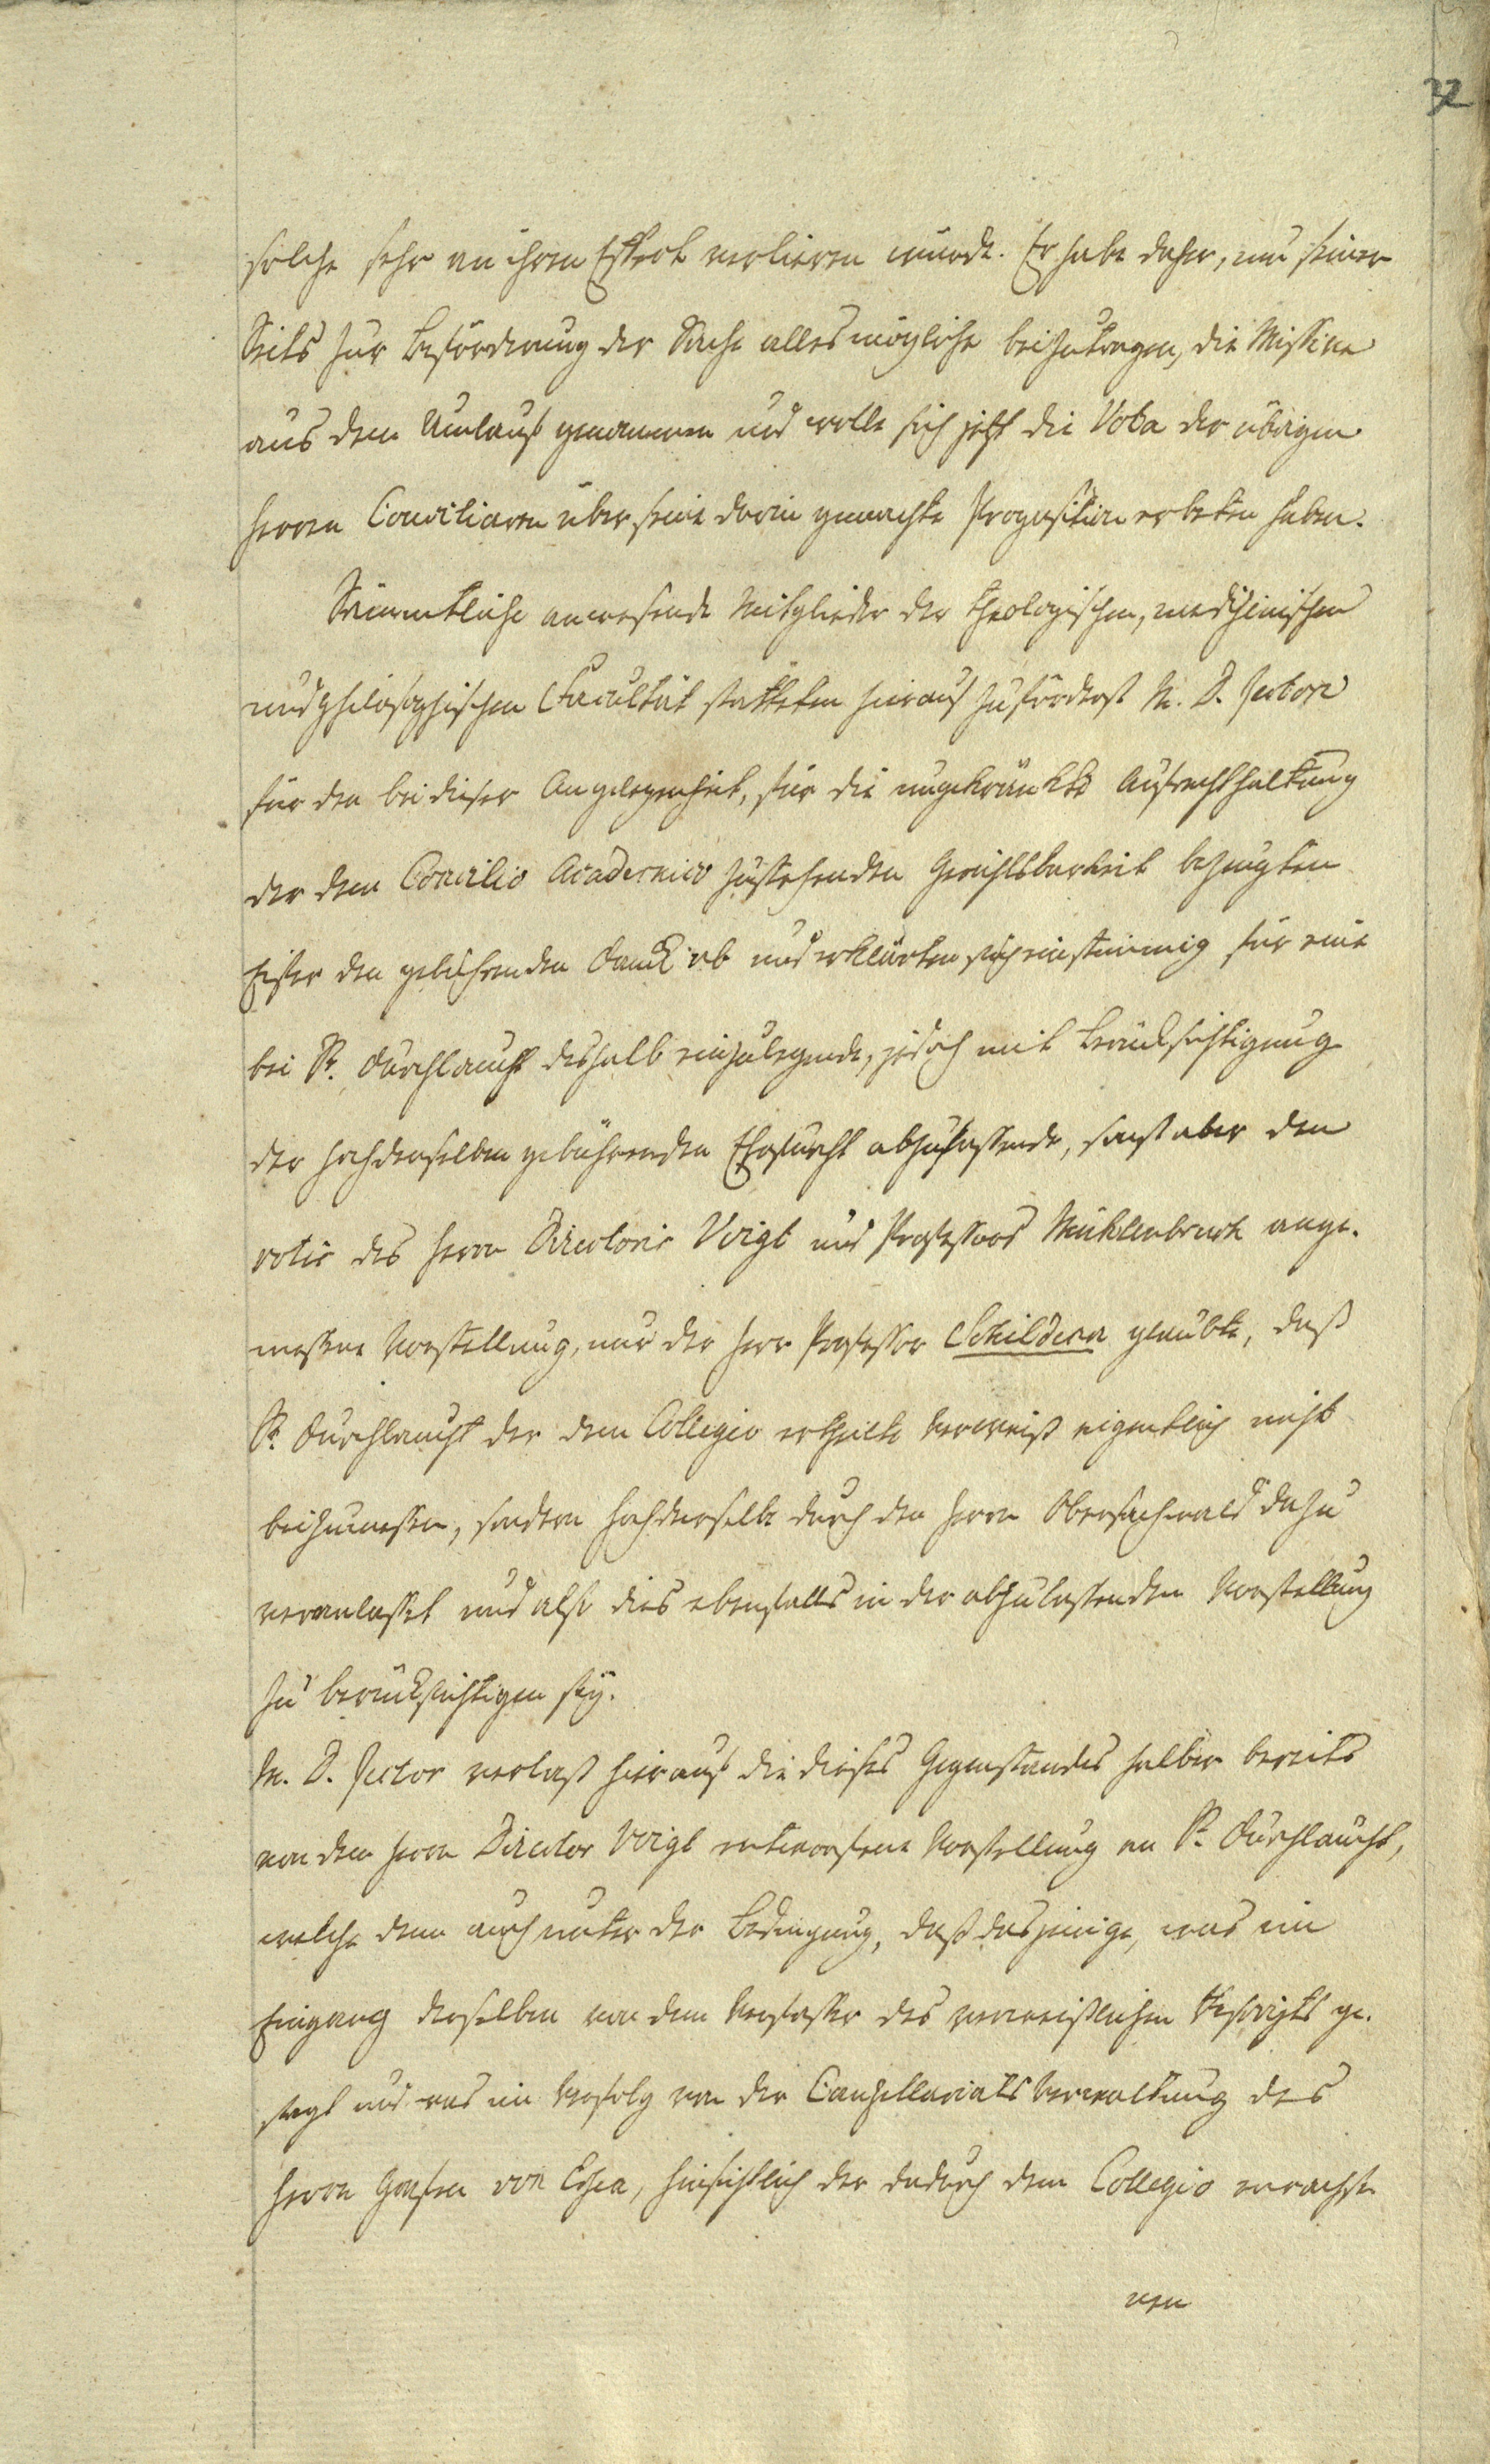solche sehr an ihrm Effect verlieren würde. Er habe daher, um seiner
Seits zur Beförderung der Sache alles mögliche beizutragen, die Missive
aus dem Umlauf genommen und wolle sich jetzt die Vota der übrigen
Herren Conciliaren über seine darin gemachte Proposition erbeten haben.
Sämmtliche anwesende Mitglieder der theologischen, medizinischen
und philosophischen Facultät statteten hierauf zuförderst M. D. Rector
für den bei dieser Angelegenheit, für die ungekränkte Aufrechthaltung
der dem Concilio Academico zustehenden Gerichtsbarkeit bezeugten
Eifer den gebührenden Danck ab und erklärten sich einstimmig für eine
bei Sr. Durchlaucht deshalb einzulegnde, jedoch mit Berücksichtigung
der Hochderselben gebührenden Ehrfurcht abzufassende, sonst aber den
votis des Herrn Directoris Voigt und Professors Mühlenbruch ange¬
messene Vorstellung, nur der Herr Professor Schildener glaubte, daß
Sr. Durchlaucht der dem Collegio ertheilte Verweis eigentlich nicht
beizumessen, sondern hochderselbe durch den Herrn Obersachwald dazu
veranlasset und also dies ebenfalls in der abzulassenden Vorstellung
zu berücksichtigen seÿ.
M. D. Rector verlaß hierauf die dieses Gegenstandes halber bereits
von dem Herrn Director Voigt entworfene Vorstellung an Sr. Durchlaucht,
welche denn auch unter der Bedingung, daß dasjenige, was im
Eingang derselben von dem Verfasser des verweislichen Rescripts ge¬
fragt und was in Verfolg von der Canzellariats Verwaltung des
Herrn Grafen von Essen, hinsichtlich der dadurch dem Collegio erwachse¬
nen